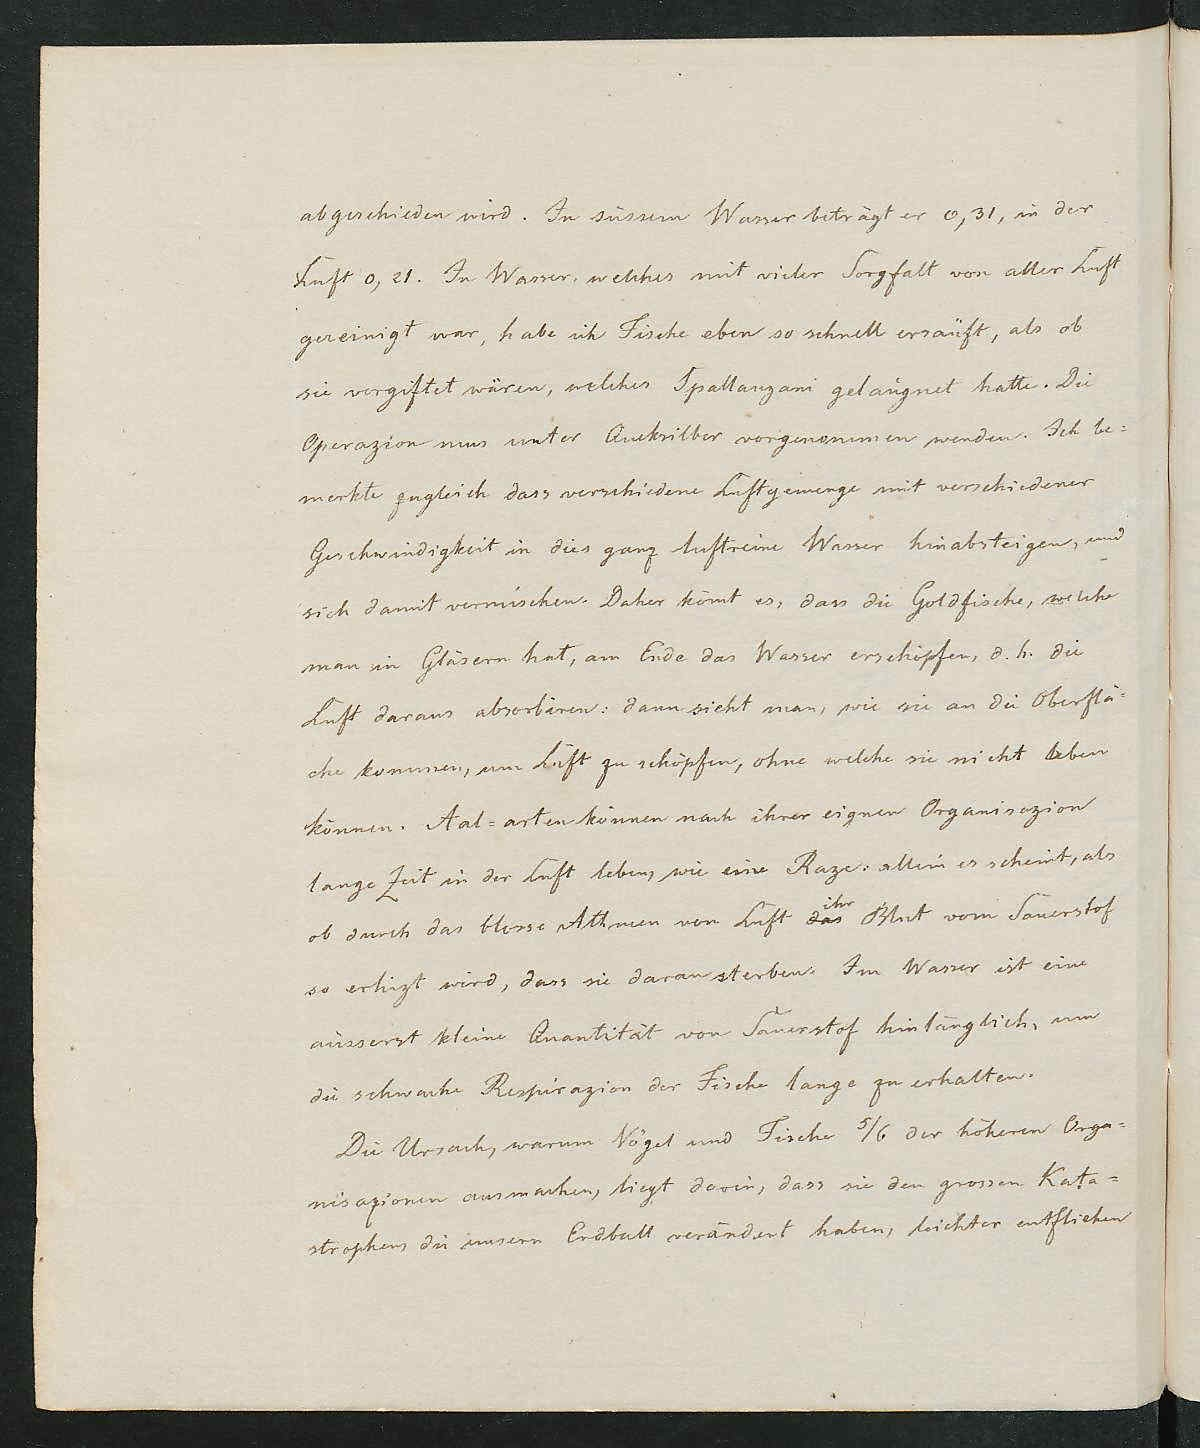abgeschieden wird. In süssem Wasser beträgt er 0,31, in der
Luft 0,21. In Wasser, welches mit vieler Sorgfalt von aller Luft
gereinigt war, habe ich Fische eben so schnell ersäuft, als ob
sie vergiftet wären, welches Spallanzani geläugnet hatte. Die
Operazion mus unter Queksilber vorgenommen werden. Ich be-
merkte zugleich dass verschiedene Luftgemenge mit verschiedener
Geschwindigkeit in dies ganz luftreine Wasser hinabsteigen, und
sich damit vermischen. Daher komt es, dass die Goldfische, welche
man in Gläsern hat, am Ende das Wasser erschöpfen, d. h. die
Luft daraus absorbiren: dann sieht man, wie sie an die Oberflä-
che kommen, um Luft zu schöpfen, ohne welche sie nicht leben
können. Aal-arten können nach ihrer eignen Organisazion
lange Zeit in der Luft leben, wie eine Raze: allein es scheint, als
ob durch das blosse Athmen von Luft dasihr Blut vom Sauerstof
so erhizt wird, dass sie daran sterben. Im Wasser ist eine
äusserst kleine Quantität von Sauerstof hinlänglich, um
die schwache Respirazion der Fische lange zu erhalten.
Die Ursach, warum Vögel und Fische ⅚ der höheren Orga-
nisazionen ausmachen, liegt darin, dass sie den grossen Kata-
strophen, die unsern Erdball verändert haben, leichter entfliehen